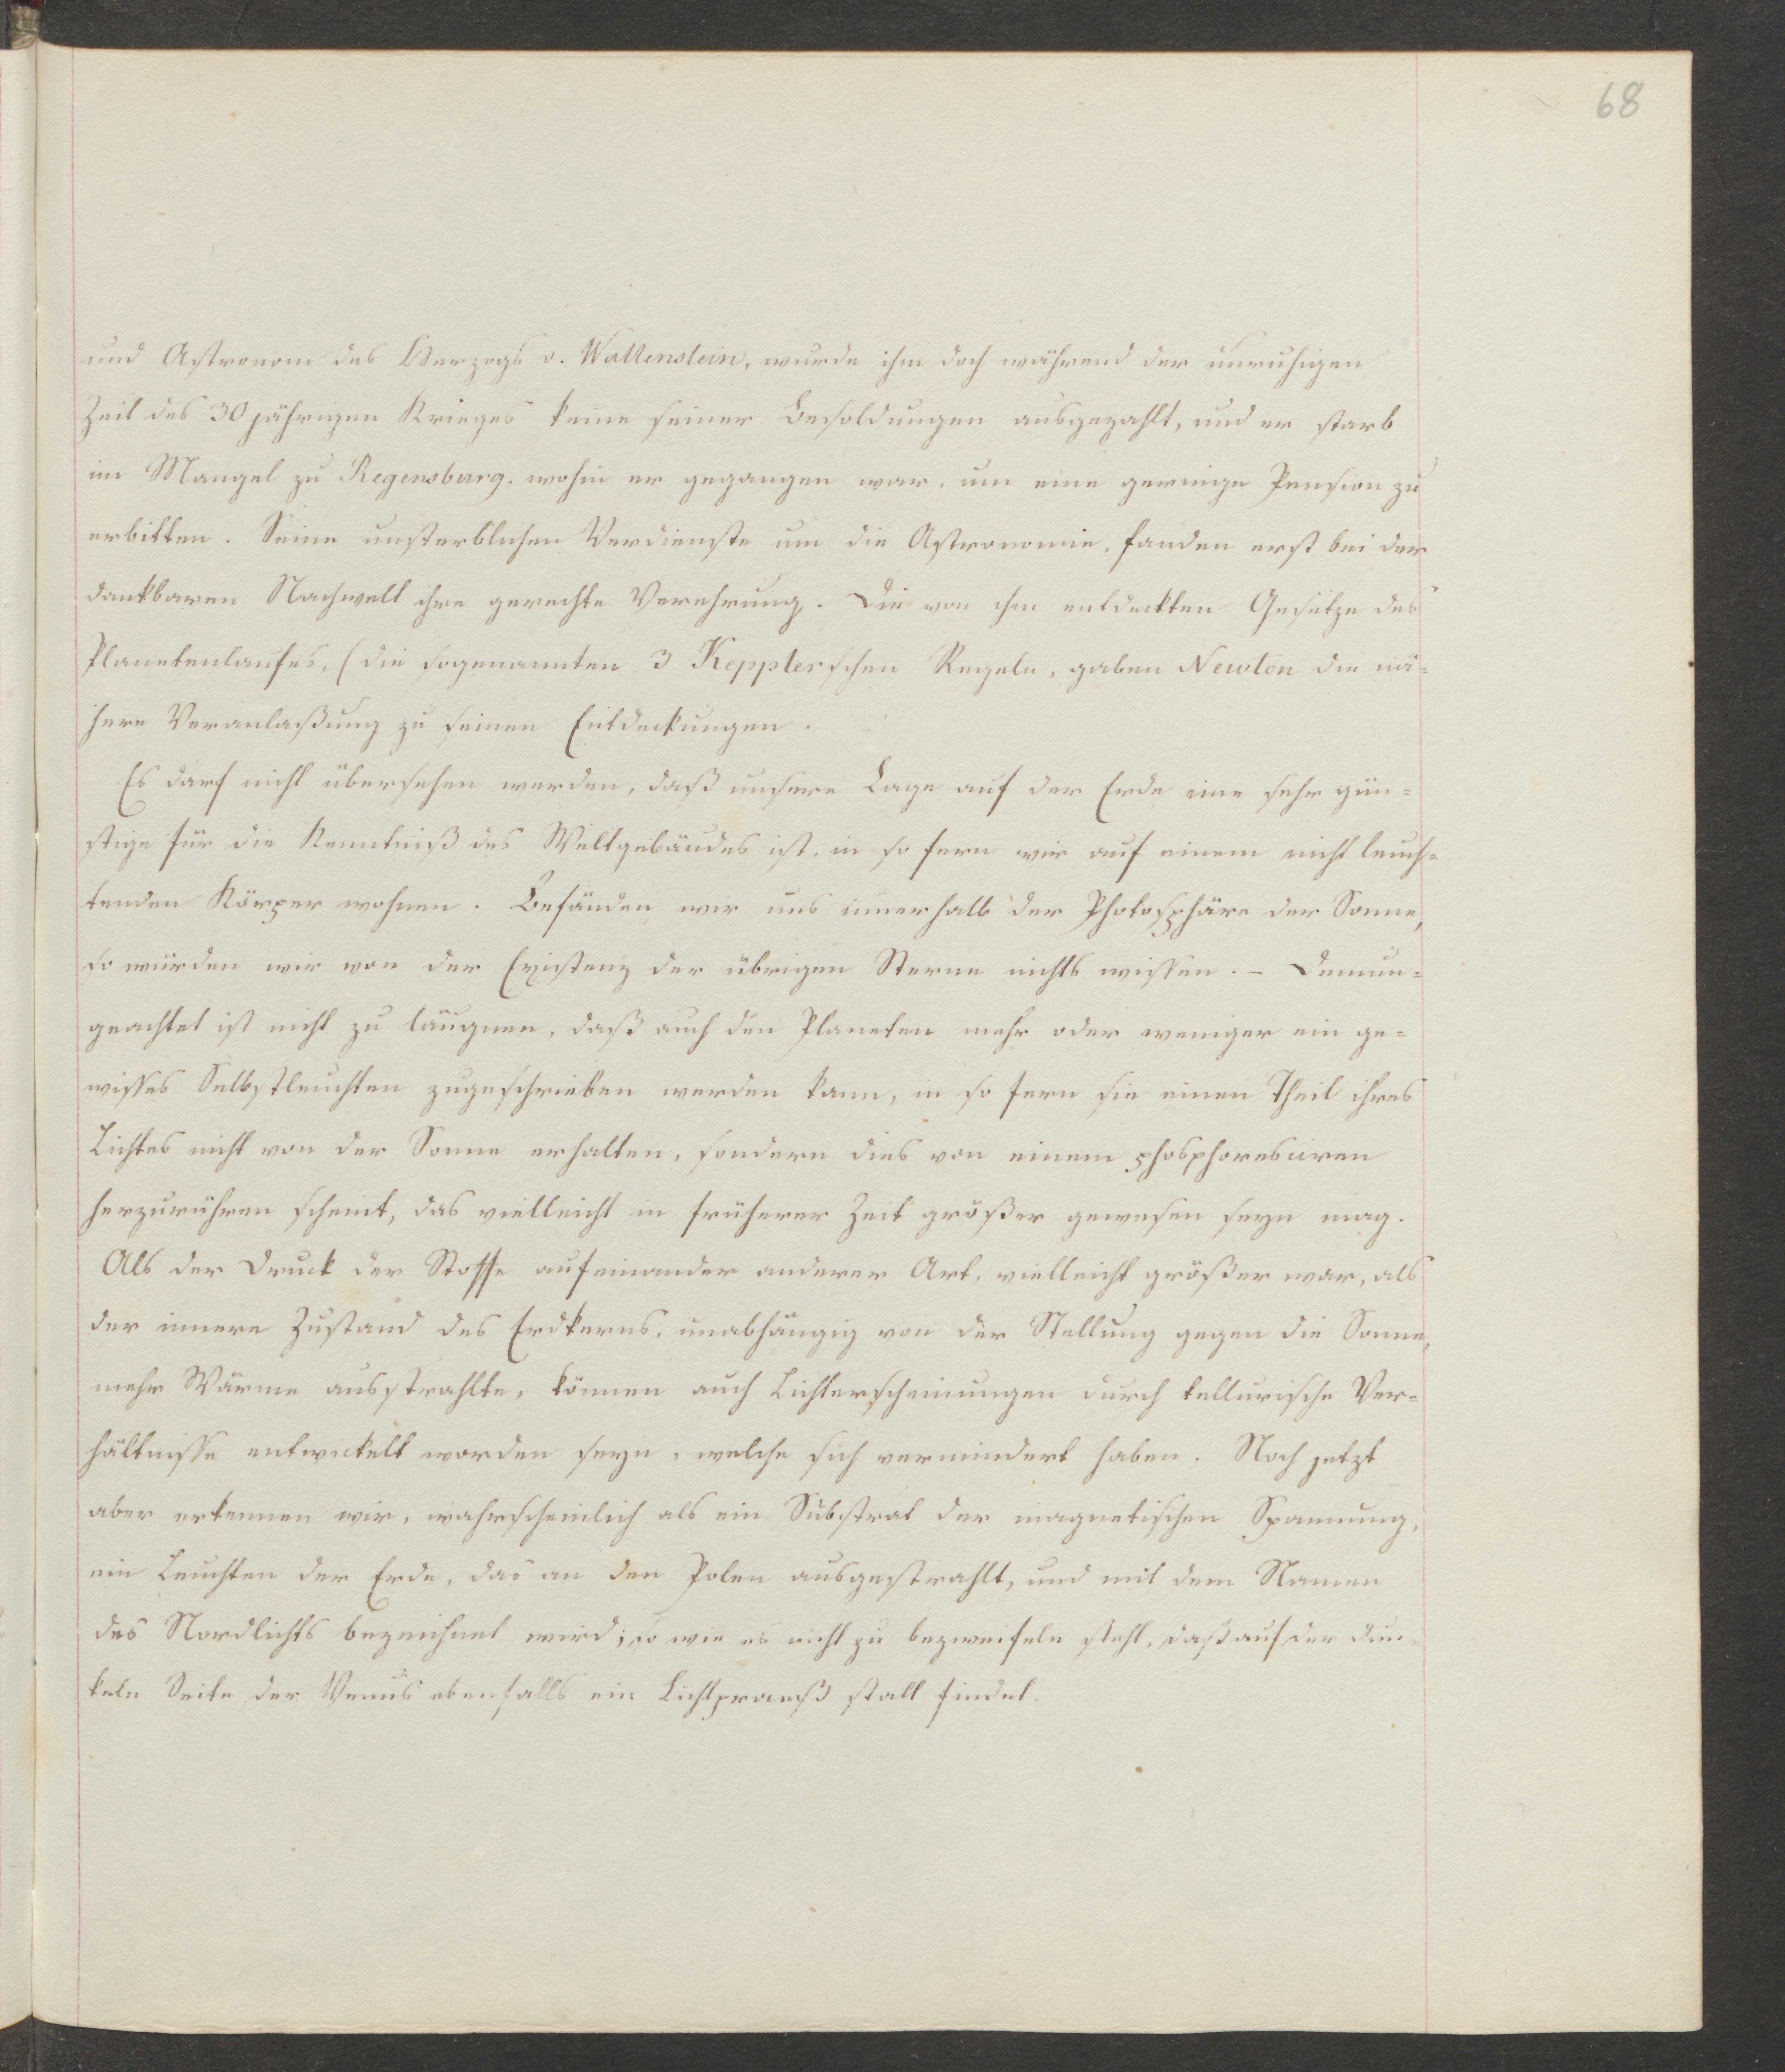und Astronom des Herzogs v. Wallenstein, wurde ihm doch während der unruhigen
Zeit des 30jährigen Krieges keine seiner Besoldungen ausgezahlt, und er starb
im Mangel zu Regensburg, wohin er gegangen war, um eine geringe Pension zu
erbitten. Seine unsterblichen Verdienste um die Astronomie, fanden erst bei der
dankbaren Nachwelt ihre gerechte Verehrung. Die von ihm entdeckten Gesetze des
Planetenlaufes, (die sogenannten 3 Kepplerschen Regeln gaben Newton die nä-
here Veranlaßung zu seinen Entdeckungen.
Es darf nicht übersehen werden, daß unsere Lage auf der Erde eine sehr gün-
stige für die Kenntniß des Weltgebäudes ist, in so fern wir auf einem nicht leuch-
tenden Körper wohnen. Befänden wir uns innerhalb der Photosphäre der Sonne,
so würden wir von der Existenz der übrigen Sterne nichts wissen. – Demun-
geachtet ist nicht zu läugnen, daß auch den Planeten mehr oder weniger ein ge-
wisses Selbstleuchten zugeschrieben werden kann, in so fern sie einen Theil ihres
Lichtes nicht von der Sonne erhalten, sondern dies von einem phosphoresciren
herzurühren scheint, das vielleicht in früherer Zeit größer gewesen seyn mag.
Als der Druck der Stoffe aufeinander anderer Art, vielleicht größer war, als
der innere Zustand des Erdkerns, unabhängig von der Stellung gegen die Sonne,
mehr Wärme ausstrahlte, können auch Lichterscheinungen durch tellurische Ver-
hältnisse entwickelt worden seyn, welche sich vermindert haben. Noch jetzt
aber erkennen wir, wahrscheinlich als ein Substrat der magnetischen Spannung,
ein Leuchten der Erde, das an den Polen ausgestrahlt, und mit dem Namen
des Nordlichts bezeichnet wird; so wie es nicht zu bezweifeln steht, daß auf der dun-
keln Seite der Venus ebenfalls ein Lichtproceß statt findet.
Erde.